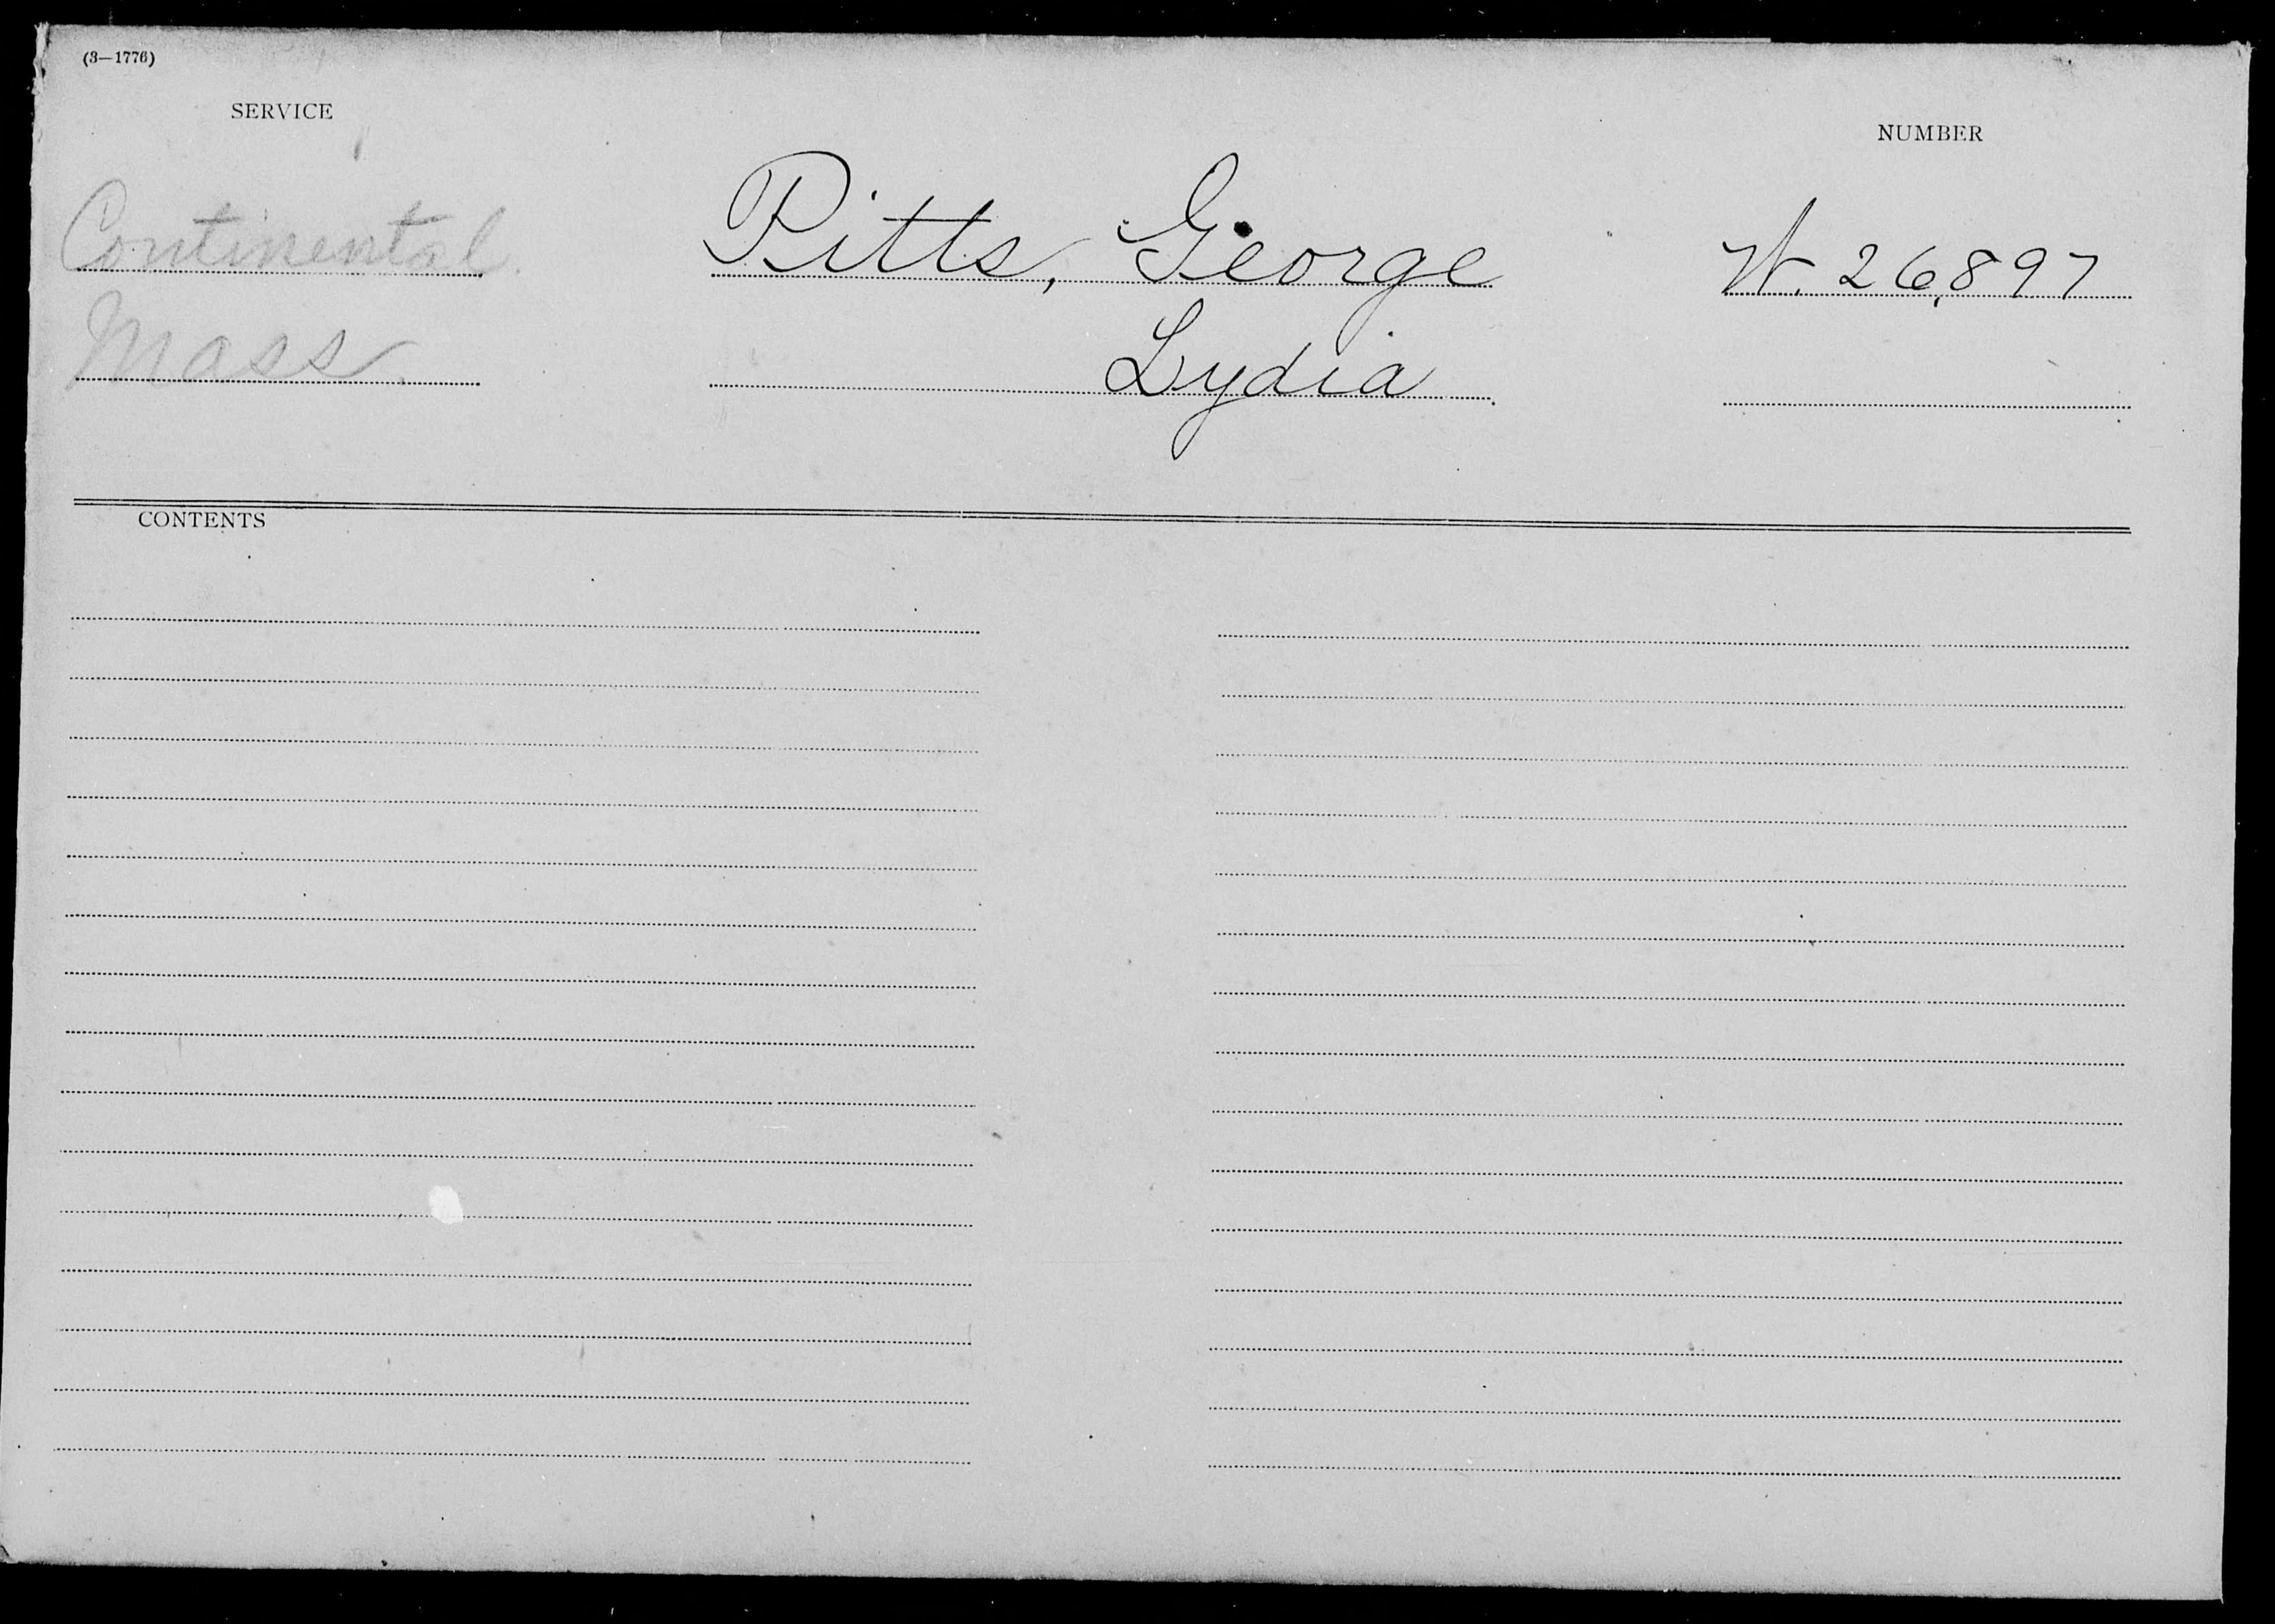Continental Massachusetts

Pitts, George
Pitts, Lydia

Warrant Number: 26,897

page: 1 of 54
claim: widow's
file: W. 26,897, for George Pitts, Massachusetts